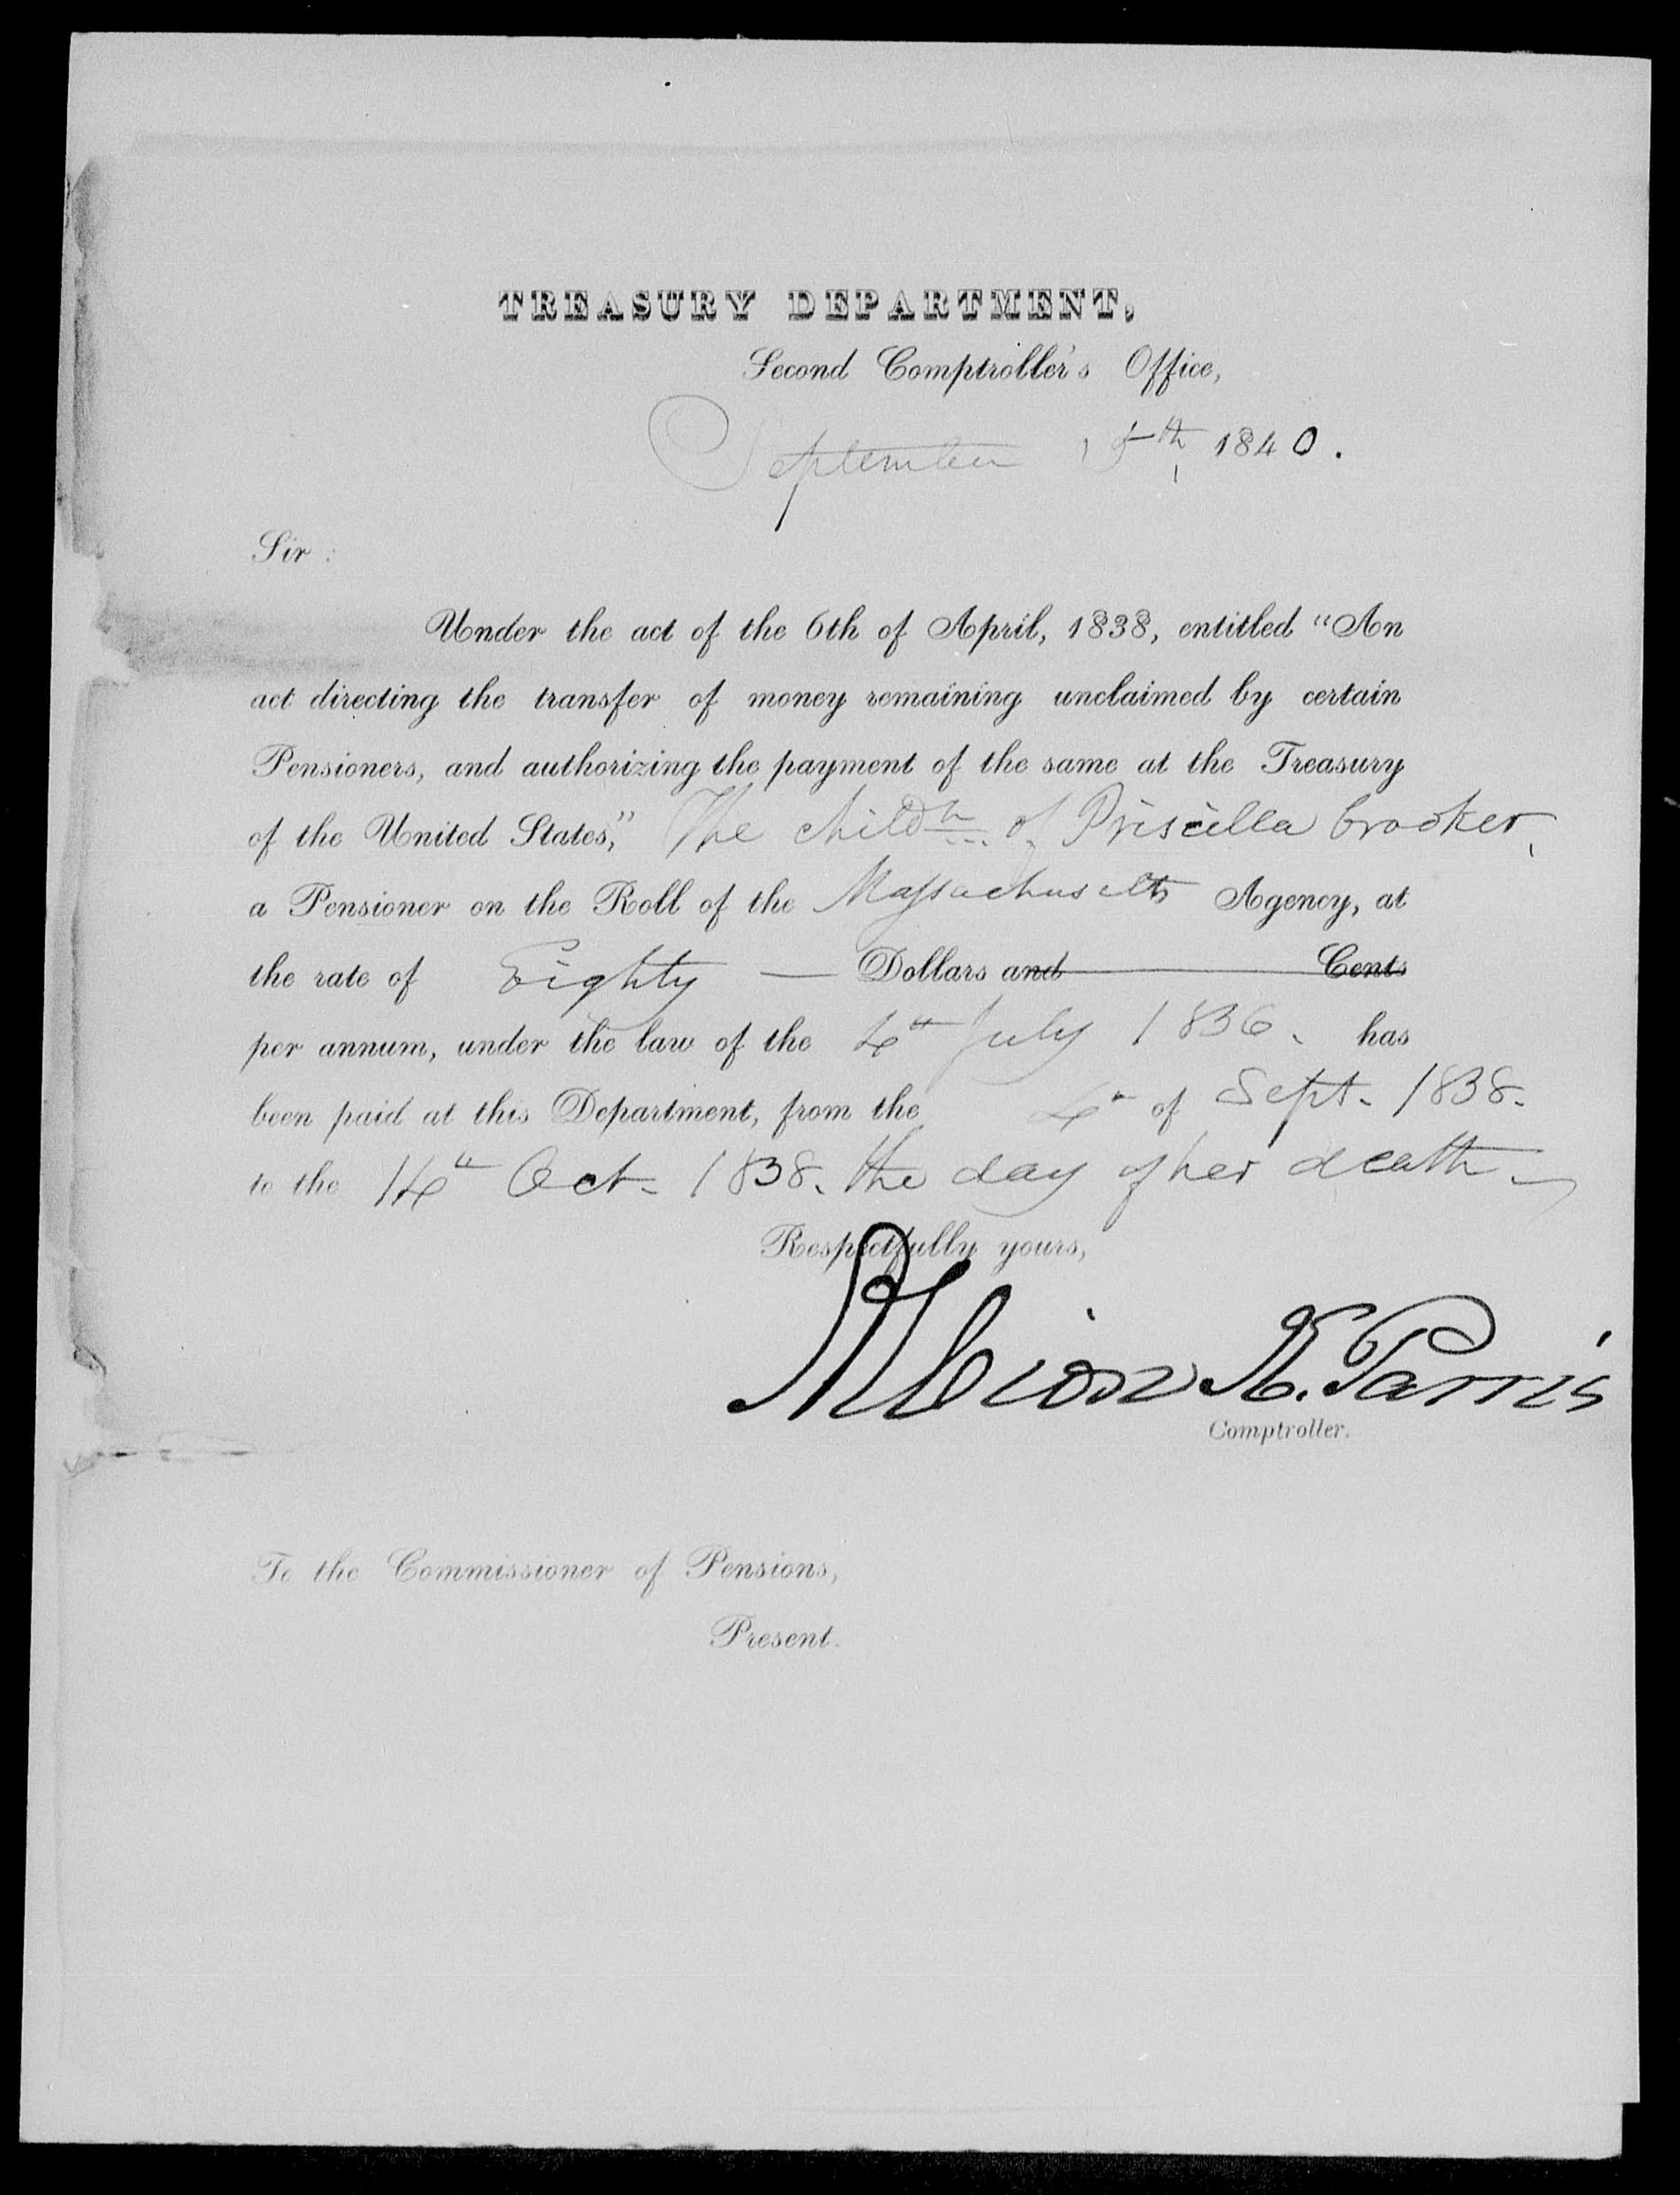Treasury Department 
Second Comptroller's Office

September 25th, 1840

Sir:

Under the act of the 6th of April, 1838, entitled "An act directing the transfer of money remaining unclaimed by certain Pensioners, and authorizing the payment of the same at the Treasury of the United States", the children of Priscilla Crooker, a Pensioner on the Roll of Massachusetts Agency, at the rate of Eighty Dollars per annum, under the law of the 4th July 1836, has bee paid at the Department, from the 4th of September 1838 to the 14th Oct. 1838, the day of her death.

Respectfully yours,

Albion K. Parris
Comptroller



To the Commissioner of Pensions
Present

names: Albion K Parris, Priscilla Crooker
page: 12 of 33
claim: widow's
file: W. 22862, Tilden Crooker, Mass Navy